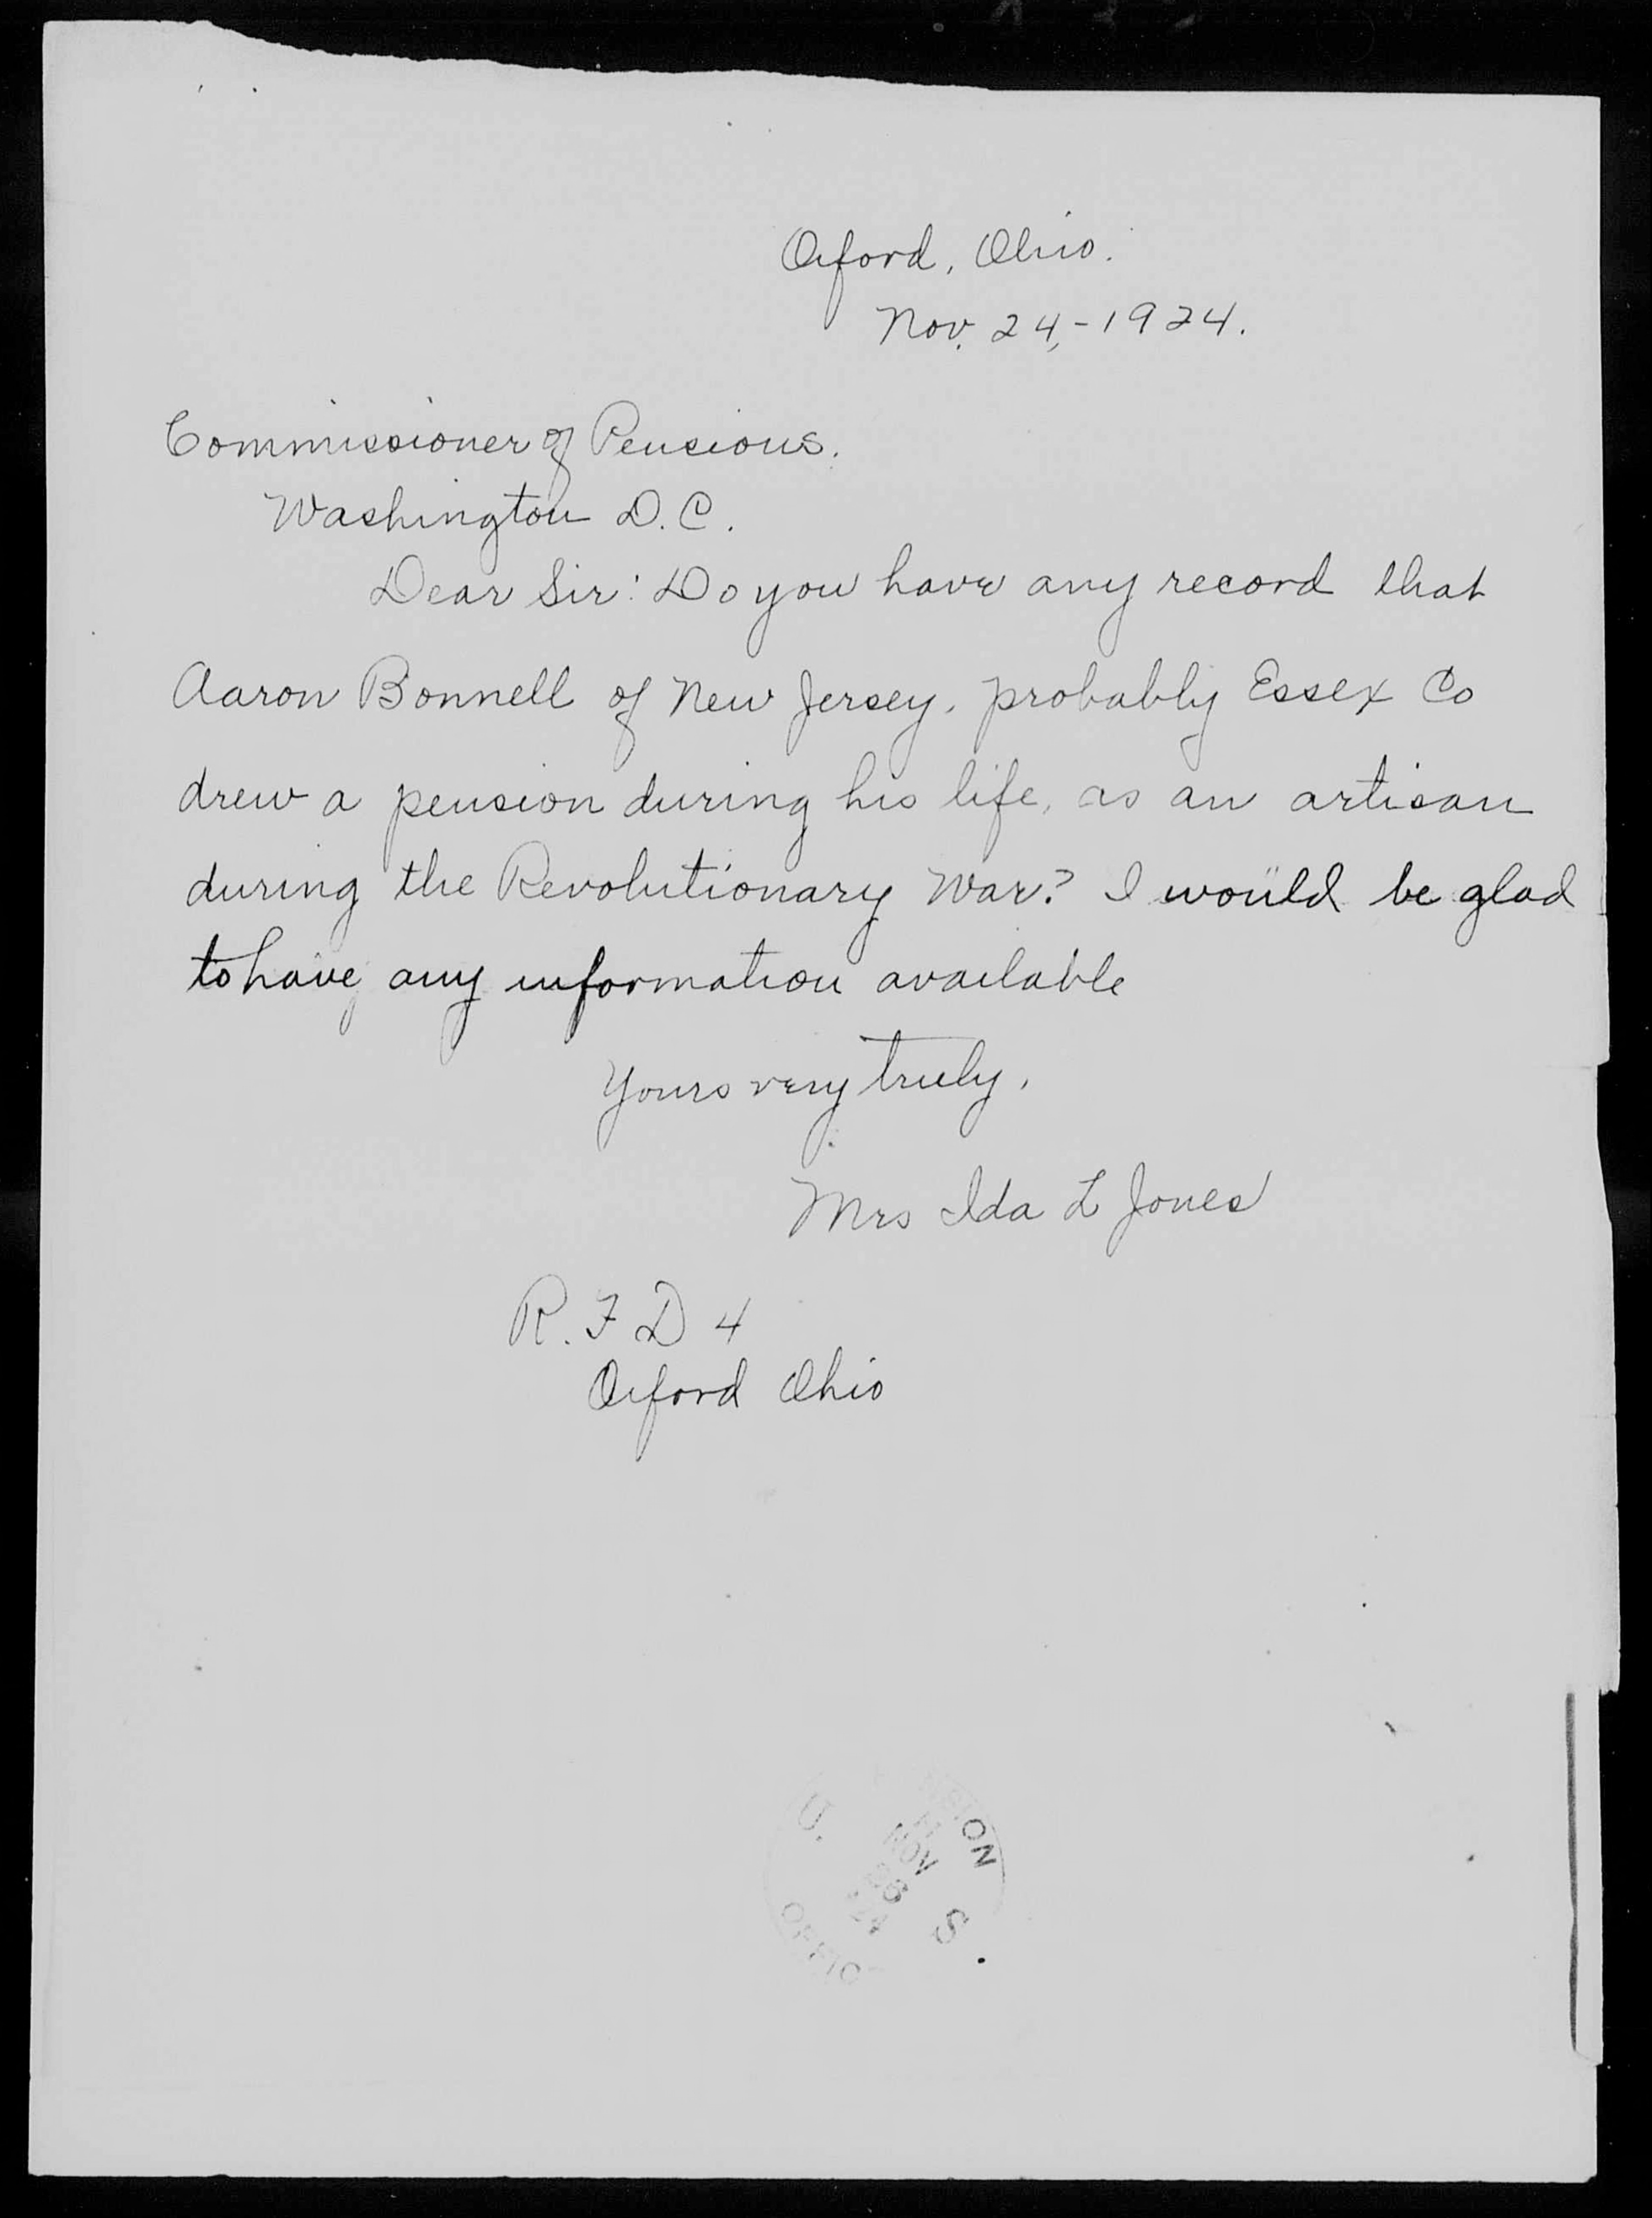Oxford, Ohio
Nov 24, 1924
Commissioner of Pensions
Washington D.C.
Dear Sir:  Do you have any record that Aaron Bonnell of New Jersey, probably Essex Co drew a pension during his life, as an artisan during the Revolutionary War?  I would be glad to have any information available.
Yours very truly,
Mrs. Ida L. Jones

RFD 4
Oxford Ohio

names: Aaron Bonnell, Ida L Jones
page: 62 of 67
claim: rejected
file: R. 1009, Aaron Bonnel, New Jersey